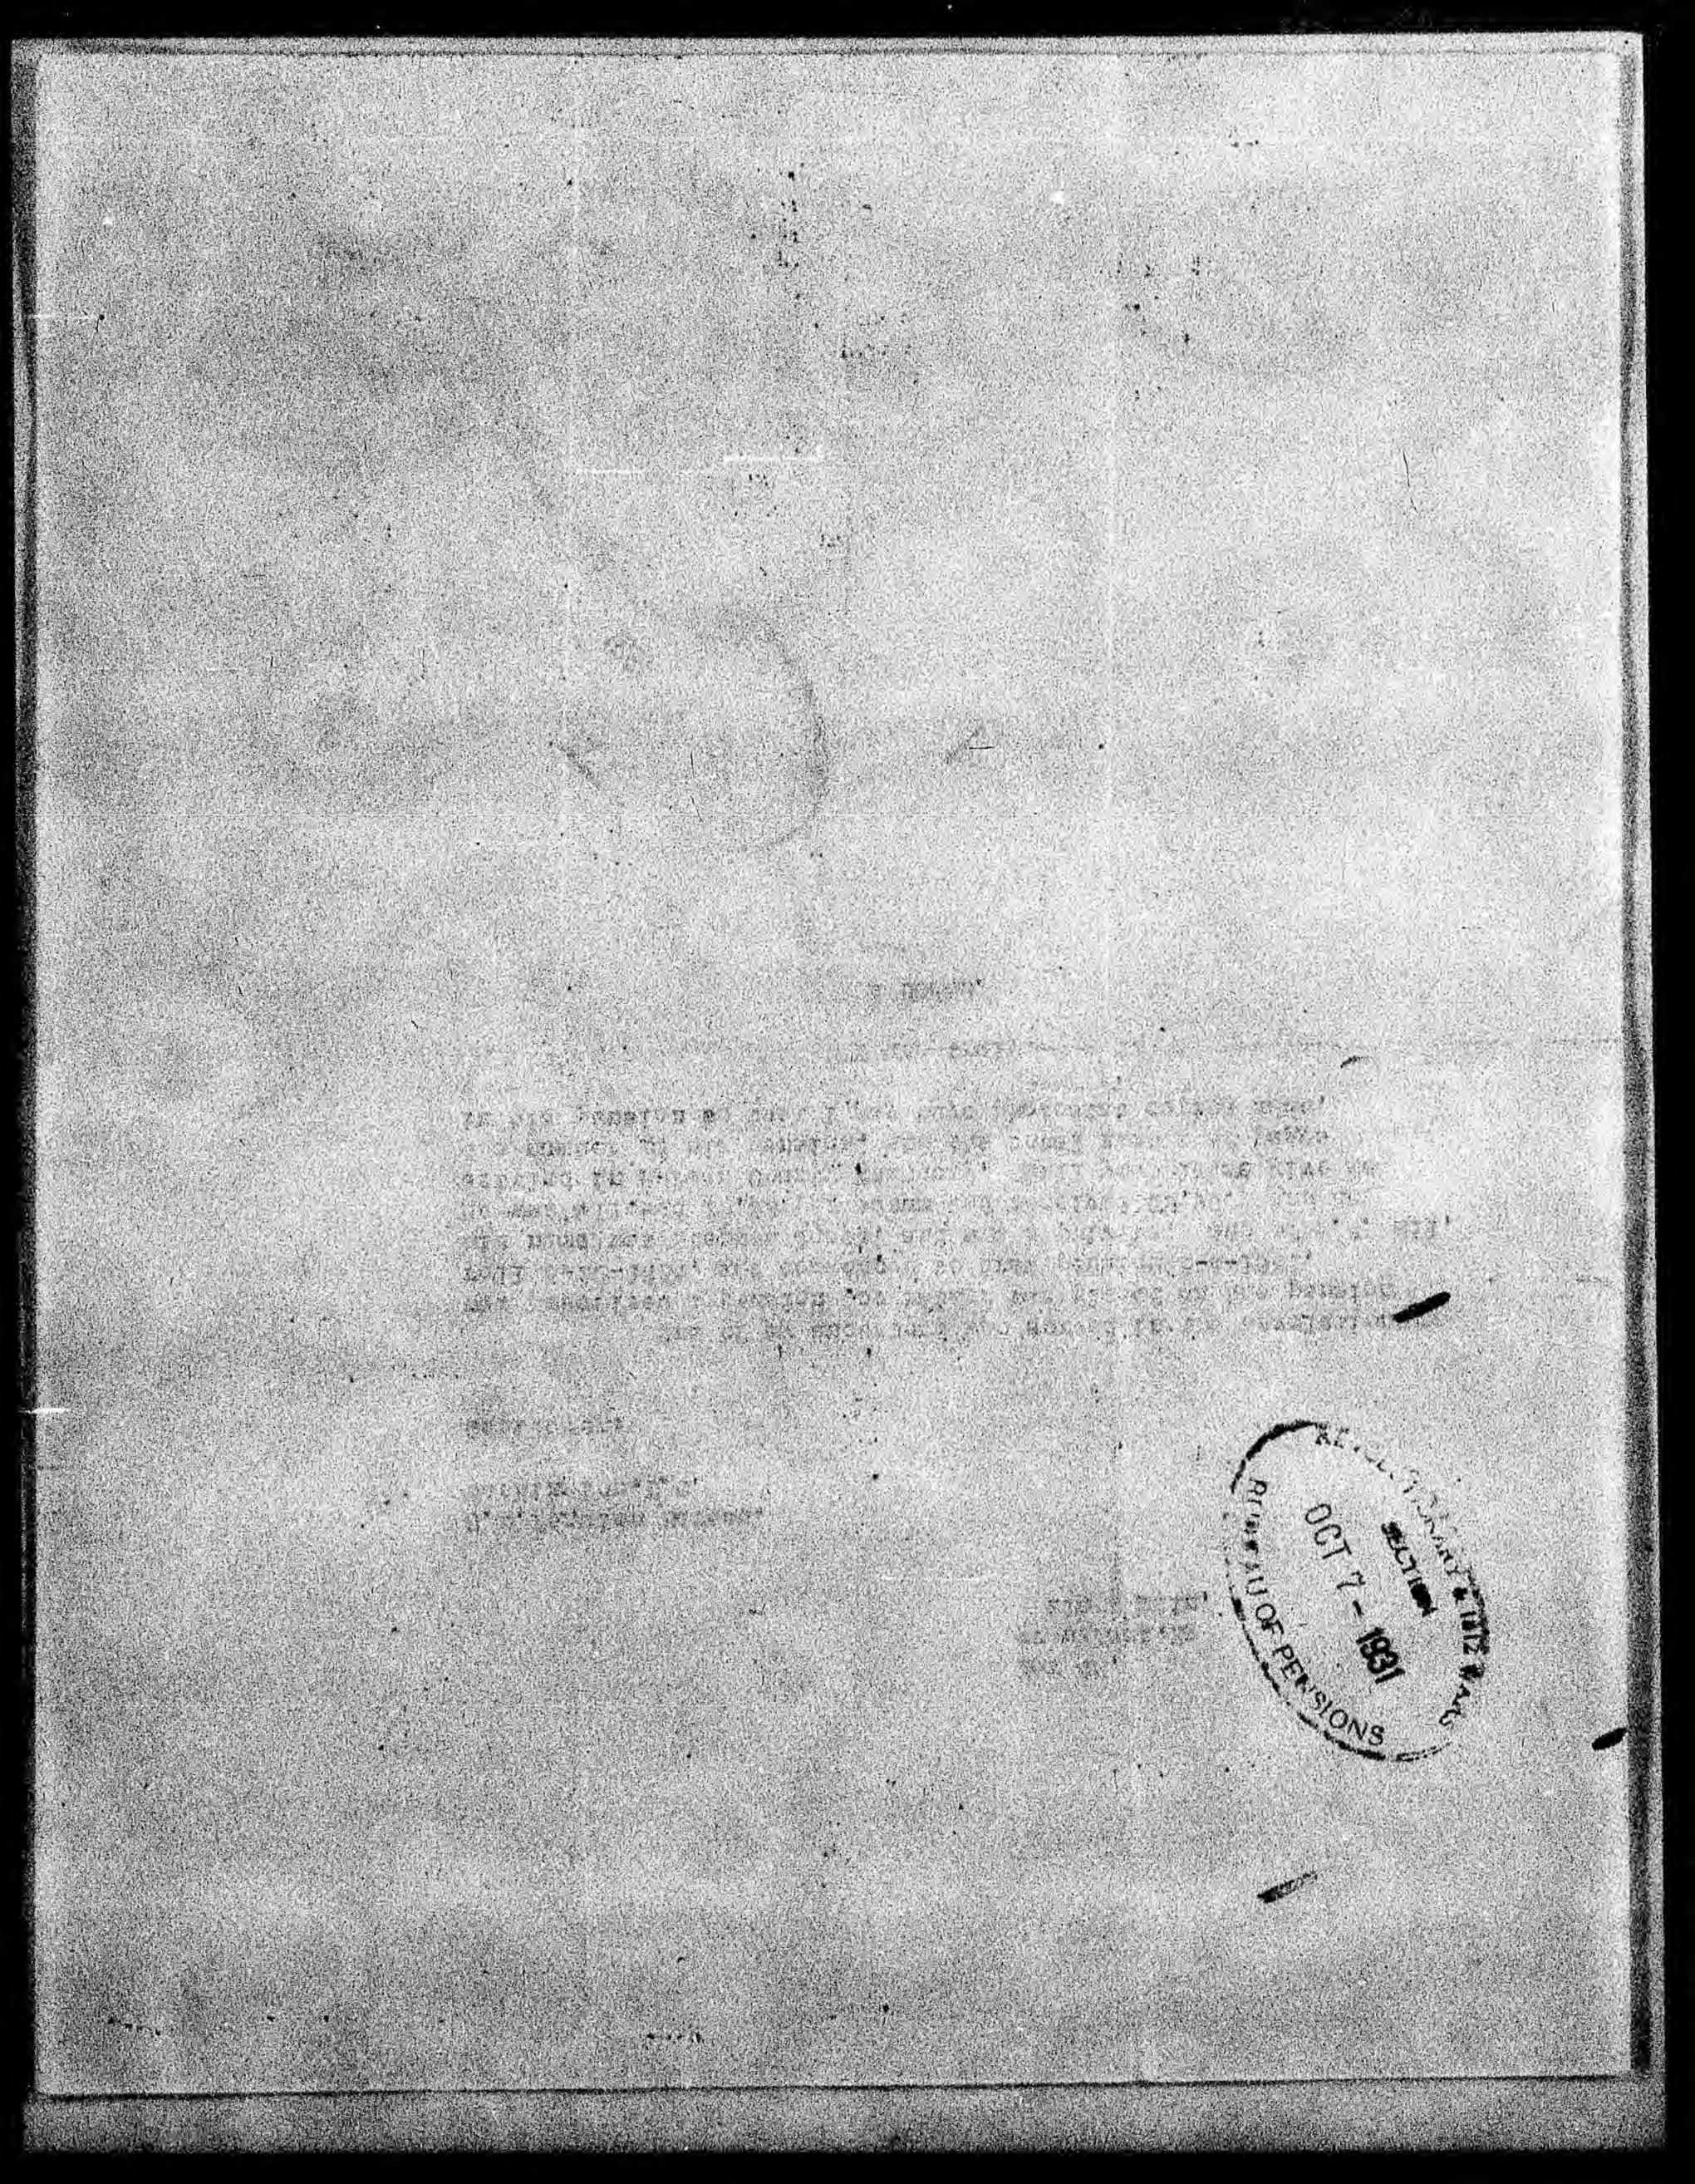[date stamp on the back side of a typewritten page]

REVOLUTIONARY & 1812 WARS
SECTION
OCT 7 1931
BUREAU OF PENSIONS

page: 12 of 17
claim: survivor's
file: S. 38092, for Stephen Jones, North Carolina